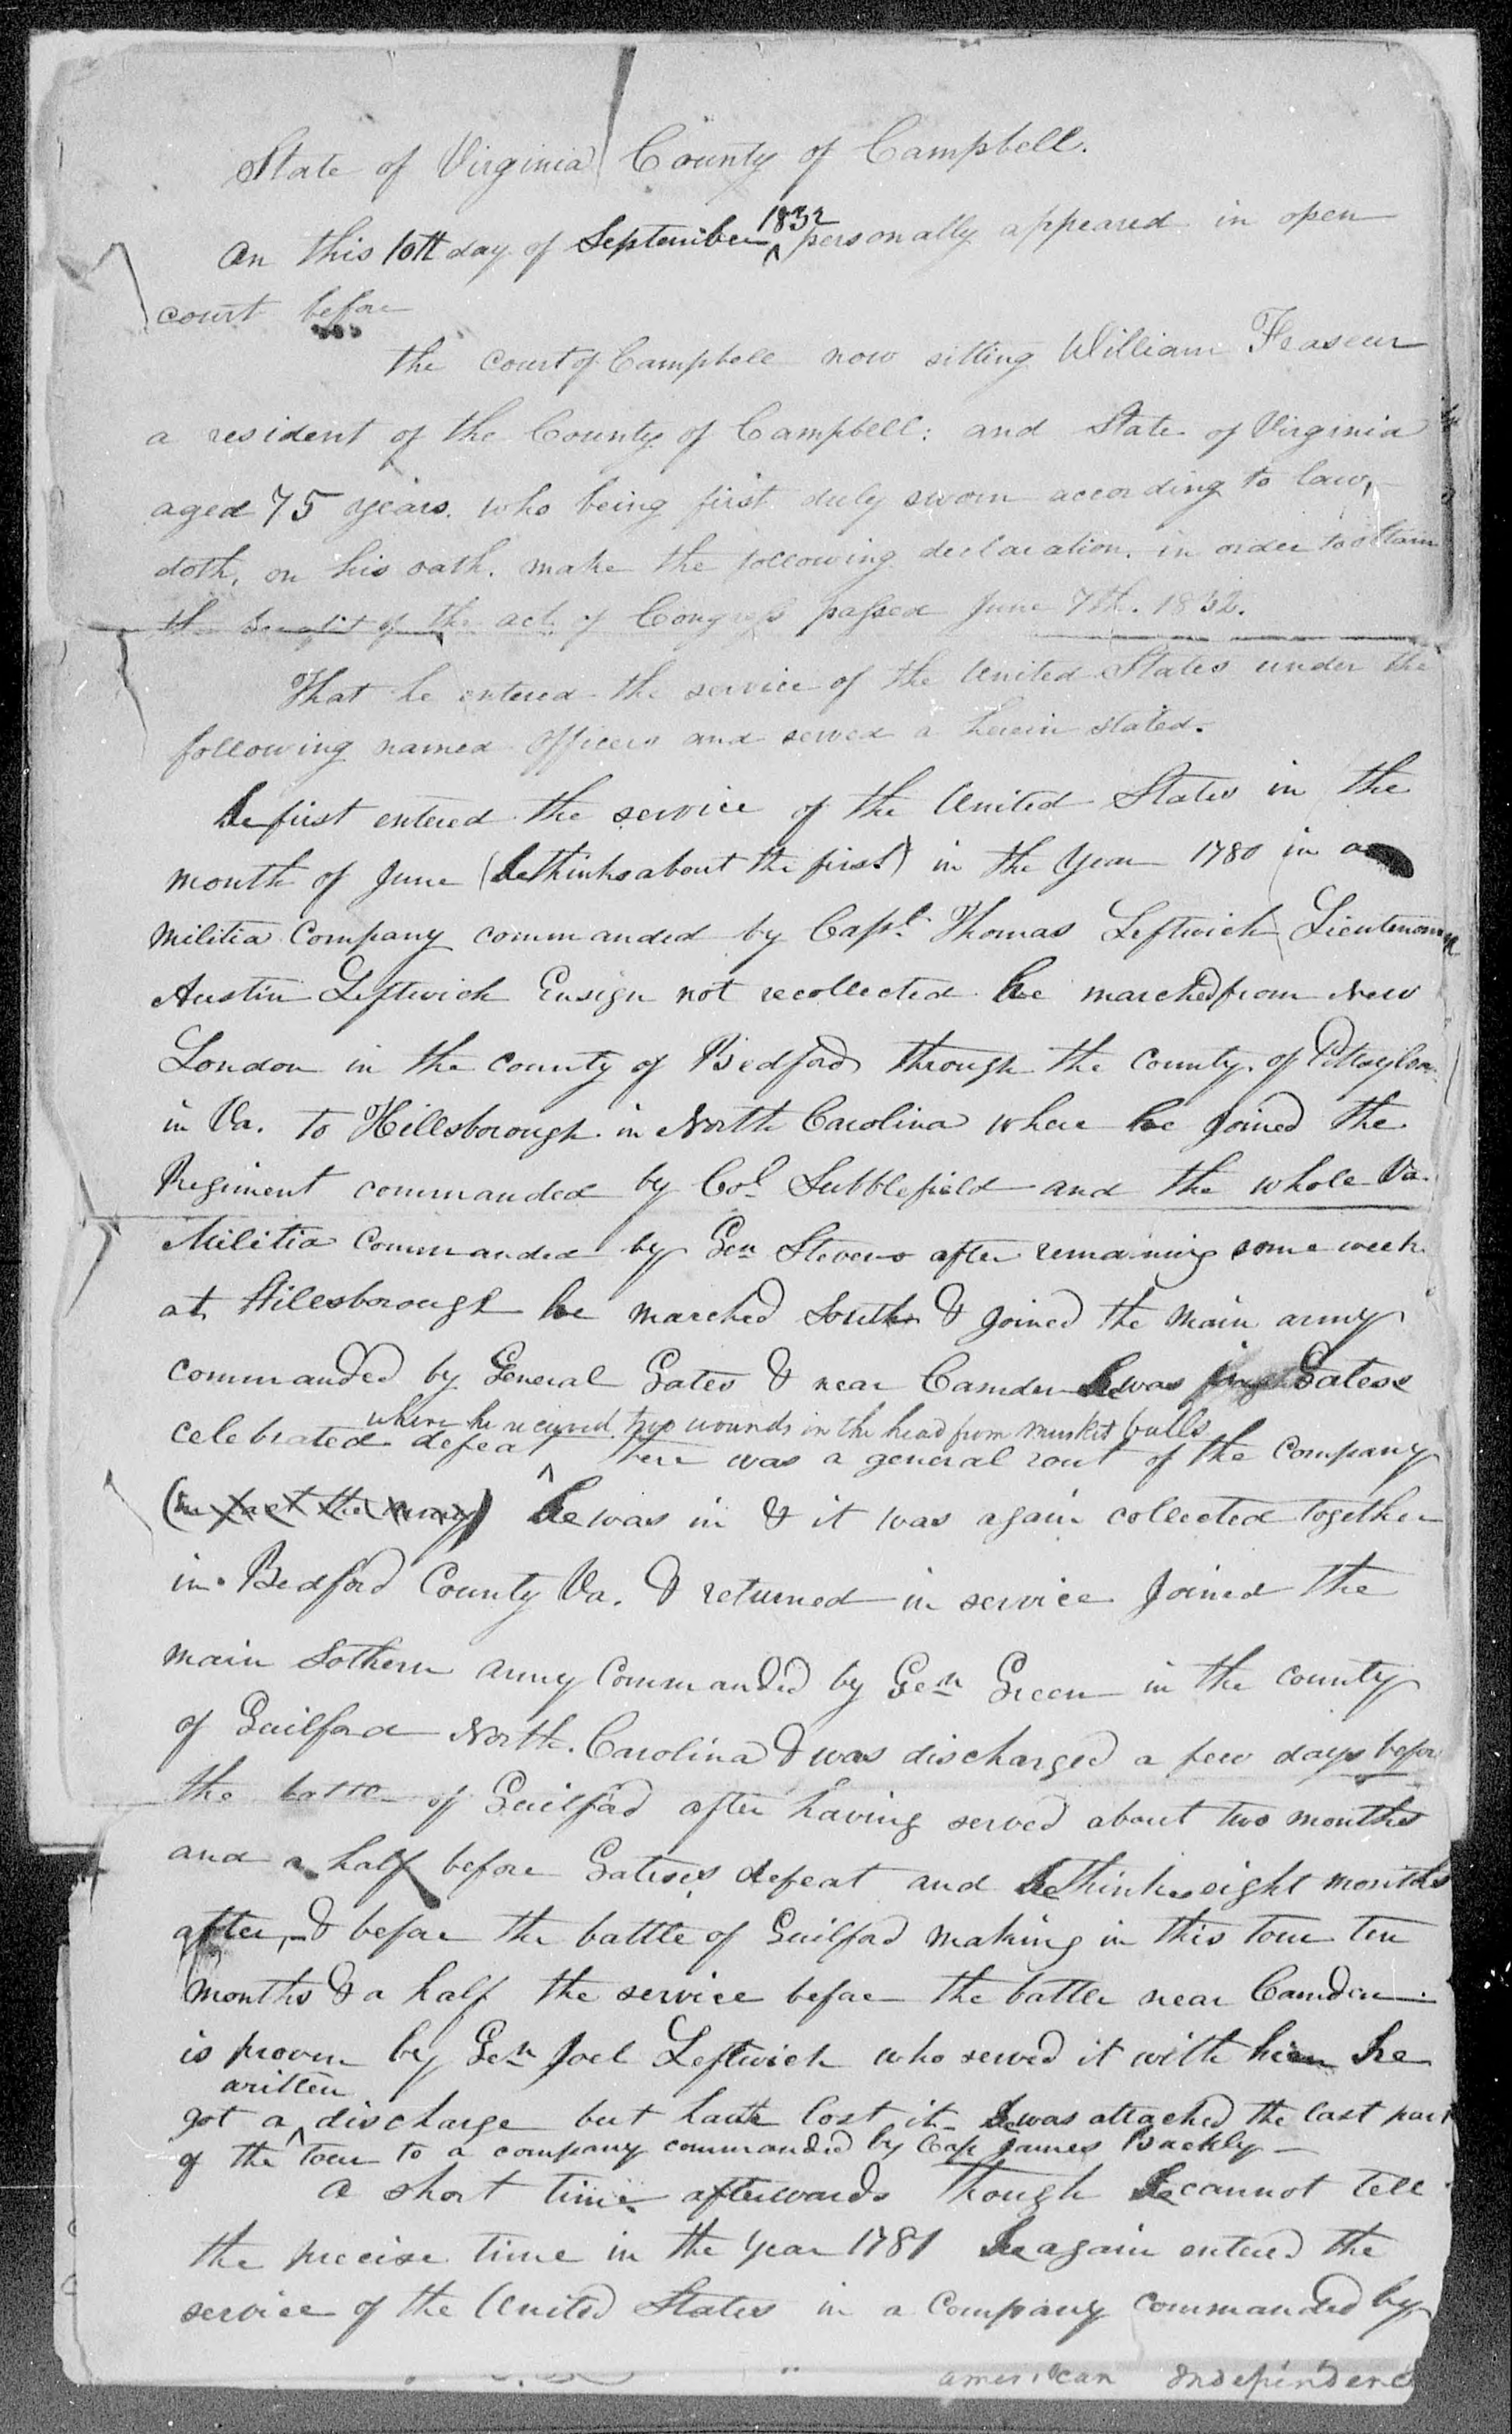State of Virginia County of Campbell. 

On this 10th day of September 1832 personally appeared in open court before the county Campbell now sitting William Frazier a resident of the County of Campbell and State of Virginia aged 75 years who being first duly sworn according to law, doth, on his oath, make the following declaration in order to obtain the benefit of the act of Congress passed June 7th, 1932. 

That he entered the service of the United States under the following named Officers and served a herein stated. 

He first entered the service of the United States in the month of June (he thinks about the first) in the year 1780 in a Militia Company commanded by Capt. Thomas Leftwich Lieutenant Austin Leftwich Ensign not recollected he marched from New London in the County of Bedford through the County of [illegible] in Va. To Hillsborough in South Carolina where he joined the Regiment commanded by Col Stubblefield and the whole Va. Militia commanded by Son Stevens after remaining some week at Hillsborough he marched South & joined the main army commanded by General Gates & near Camden [illegible]. Celebrated defeat where he received his wounds in the head from musket balls. There was a general [illegible] of the Company he was in & it was again collected together in Bedford County Va. & returned in service. Joined the main Southern army Commanded by Gen. Green in the county of Guilford South Carolina & was discharged a few days before the battle of Guilford after having served about two months and a half before Gates defeat and he thinks eight months after & before the battle of Guilford making in this tour ten months & a half the service before the battle near Camden is proven by Gen Joel Leftwich who served it with him he got a [illegible] discharge but hath lost it. He was attached the last part of the tour to a company commanded by Capt James Buckly 

a short time afterwards though he cannot tell the precise time in the year 1781 he again entered the service of the United States in a company commanded by 

[Separate page underneath the first] american Independence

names: Gates, Stevens, Thomas Leftwich, Joel Leftwich, Austin Leftwich, William Frasier, Subblefield, Green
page: 3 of 13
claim: survivor's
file: S. 17966, William Frazier, Va.